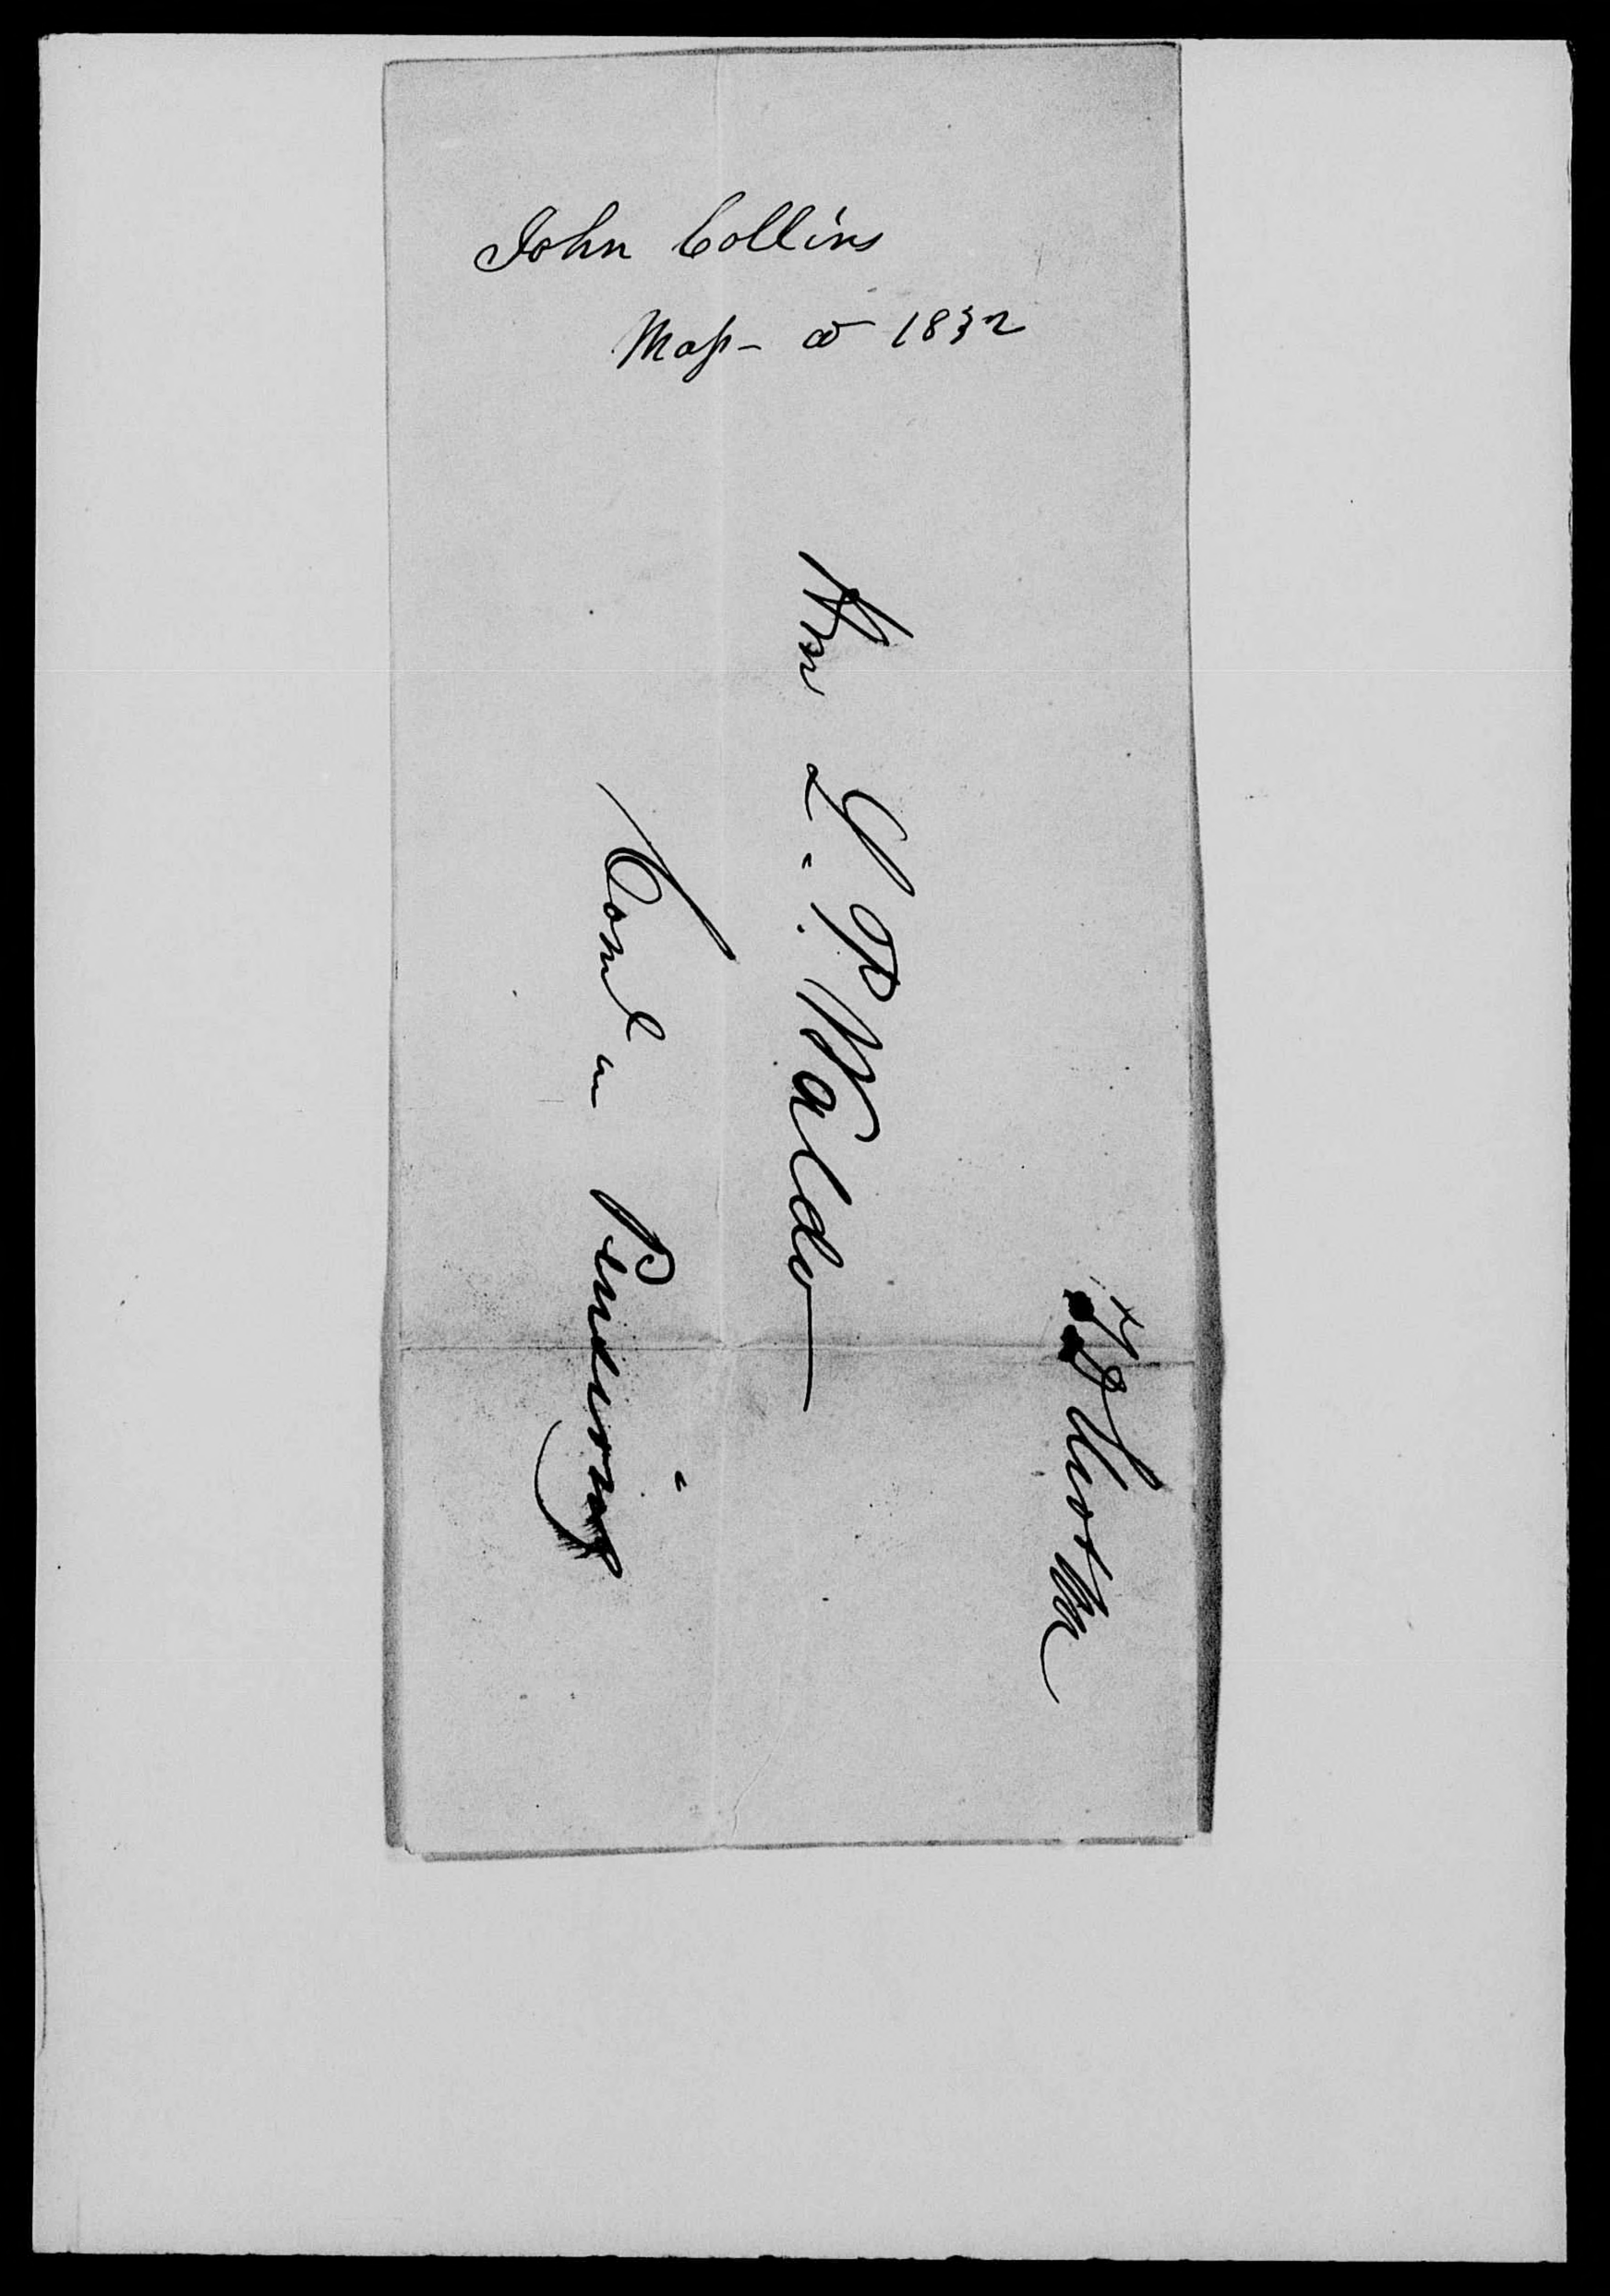John Collins
Mass  0 1832

Hon. L.P Waldo Comr Pensions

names: L P Waldo, John Collins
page: 8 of 43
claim: survivor's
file: S. 29,732, John Collins, Mass. Navy